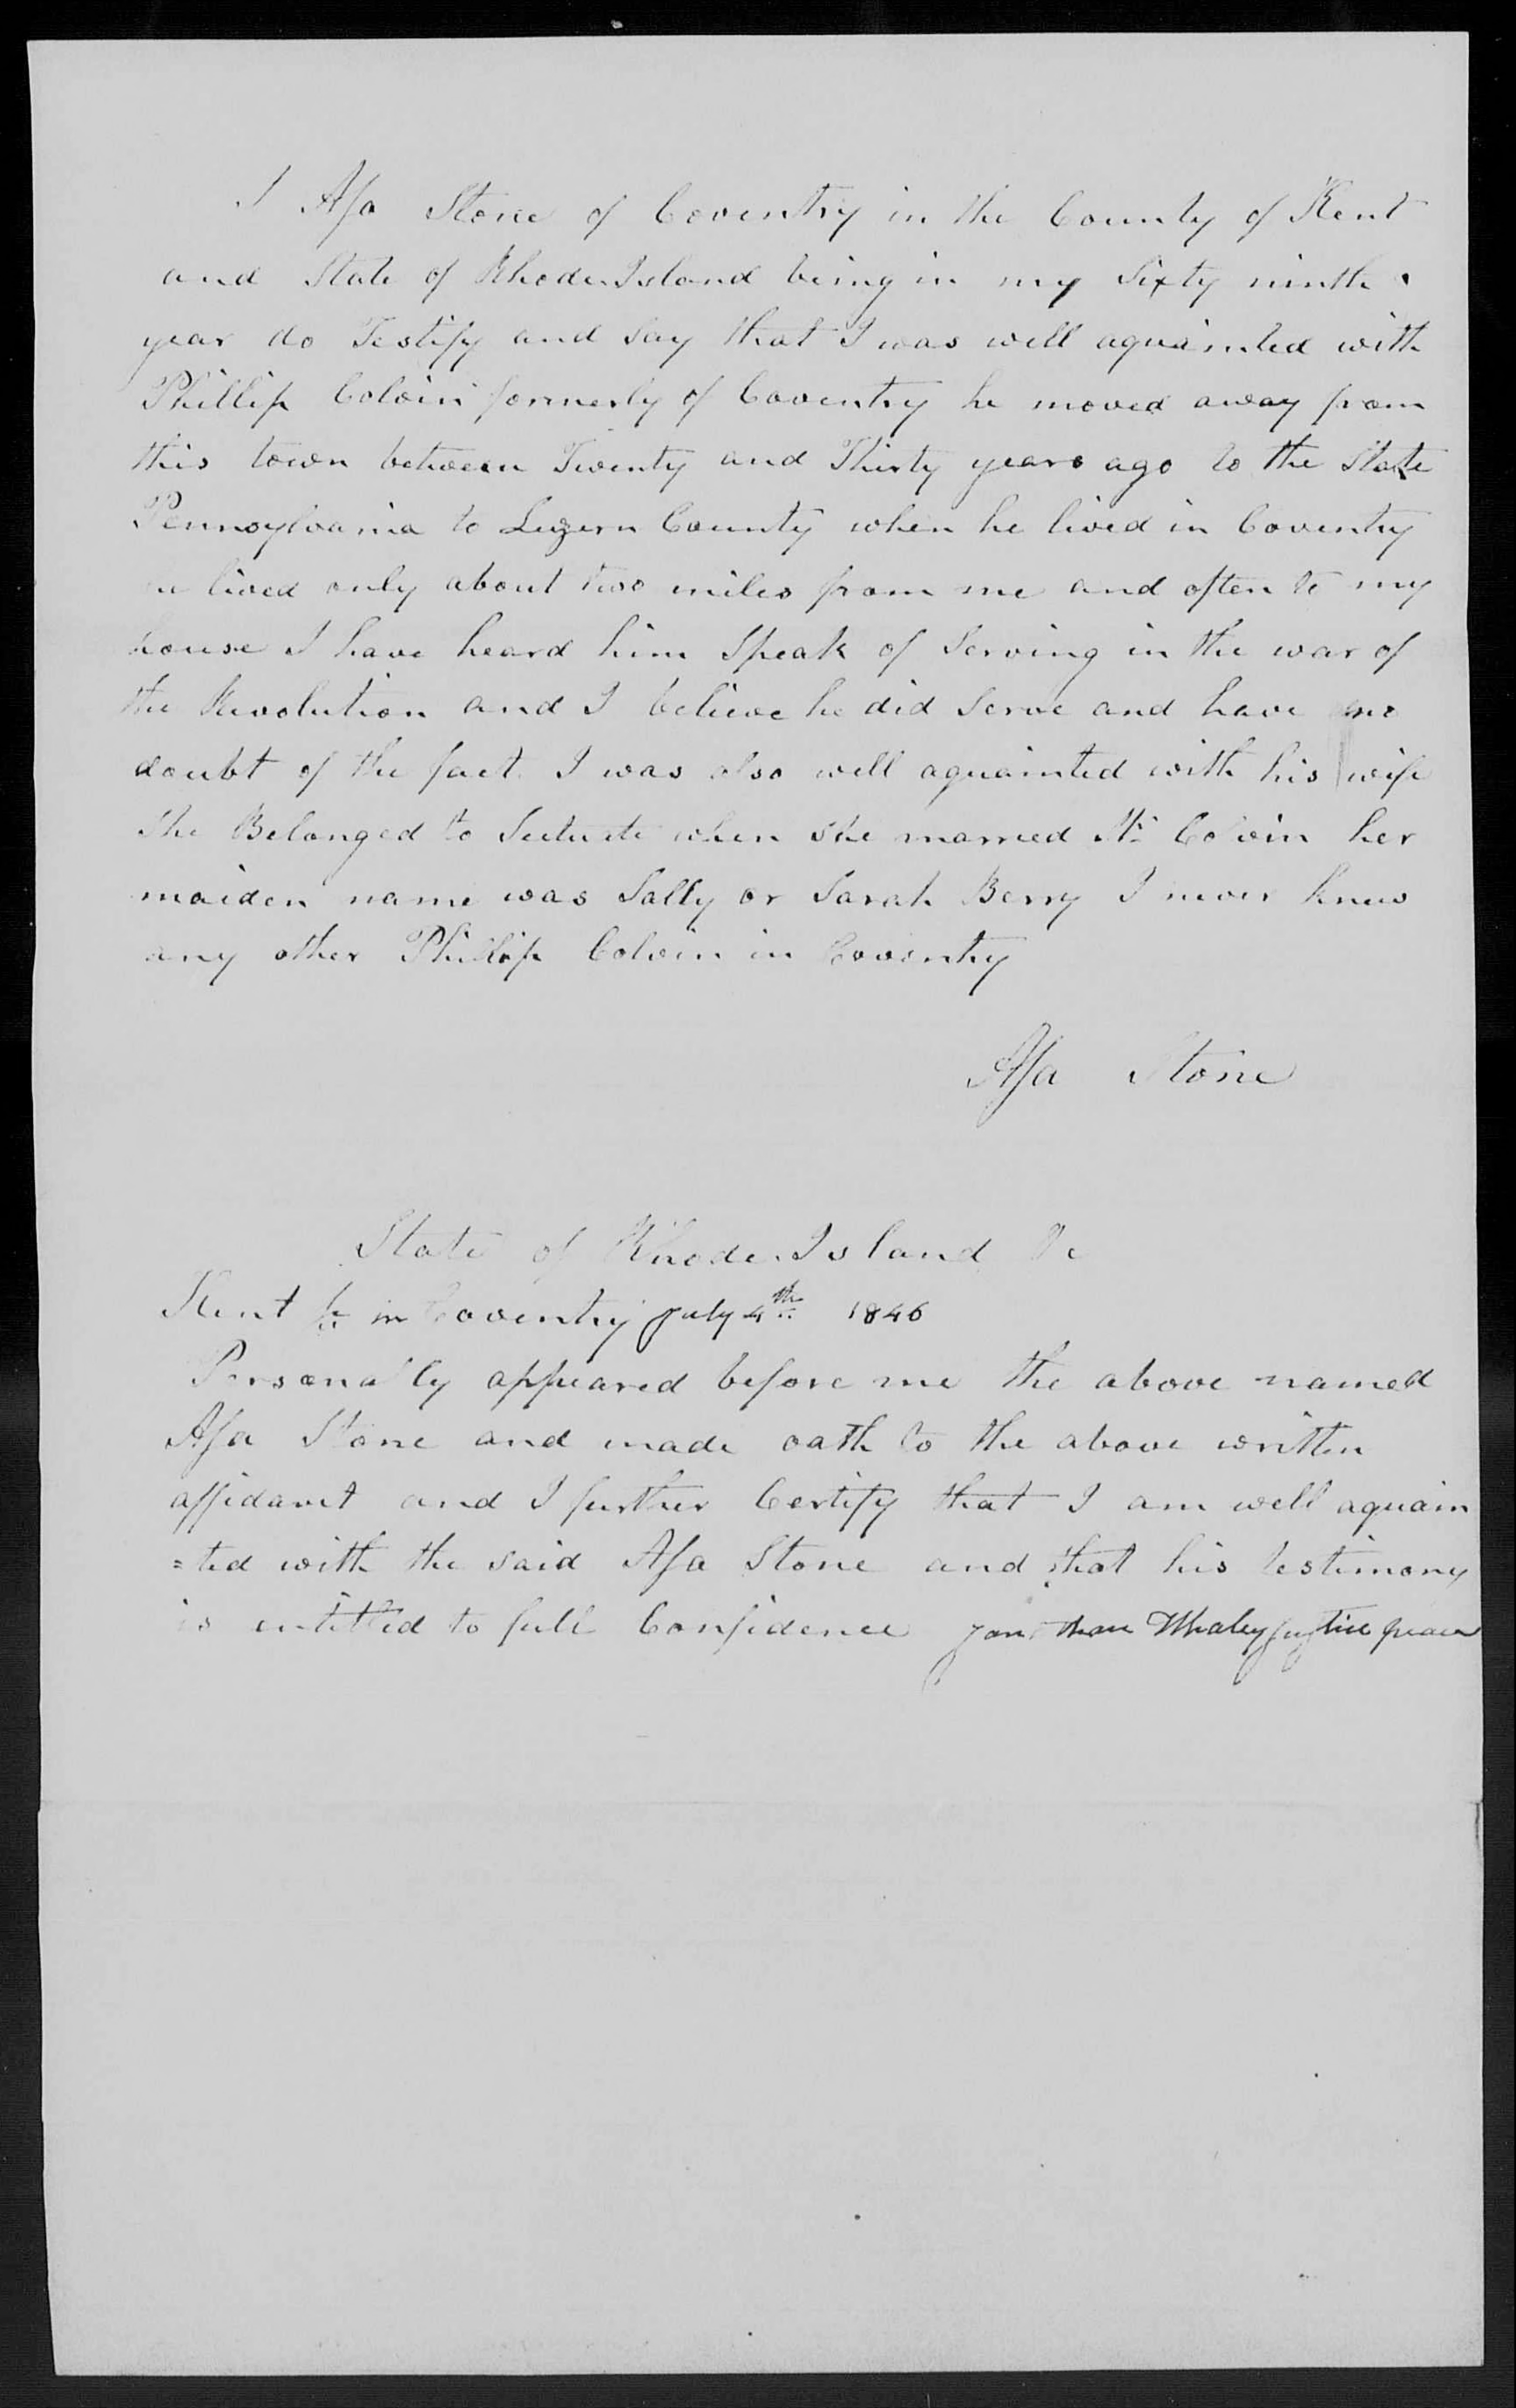I, Asa Stone of Coventry in the county of Kent and state of Rhode Island being in my sixty ninth year do testify and say that I was well aquainted with Phillip Colvin formerly of Coventry. He moved away from this town between twenty and thirty years ago to the state Pennsylvania to Luzern County. When he lived in Coventry he lived only about two miles from me and often to my house. I have heard him speak of serving in the war of the Revolution and I believe he did serve and have no doubt of the fact. I was also well aquainted with his wife. She belonged to [illegible] when she married Mr. Colvin. Her maiden name was Sally or Sarah Berry. I never knew any other Phillip Colvin in Coventry.
Asa Stone

State of Rhode Island Sc
Kent [illegible] in Coventry July 4th 1846
Personally appeared before me the above named Asa Stone and made oath to the above written affidavit and I further certify that I am well aquainted with the said Asa Stone and that his testimony is entitled to full confidence.
Jonathan Whaley Justice Peace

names: Sally Berry, Asa Stone, Sarah Berry, Asa Stone, Colvin, Phillip Colvin, Asa Stone, Philip Colvin, Jonathan Whaley, Asa Stone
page: 35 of 41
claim: widow's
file: W. 3513, Philip Colvin, R.I.